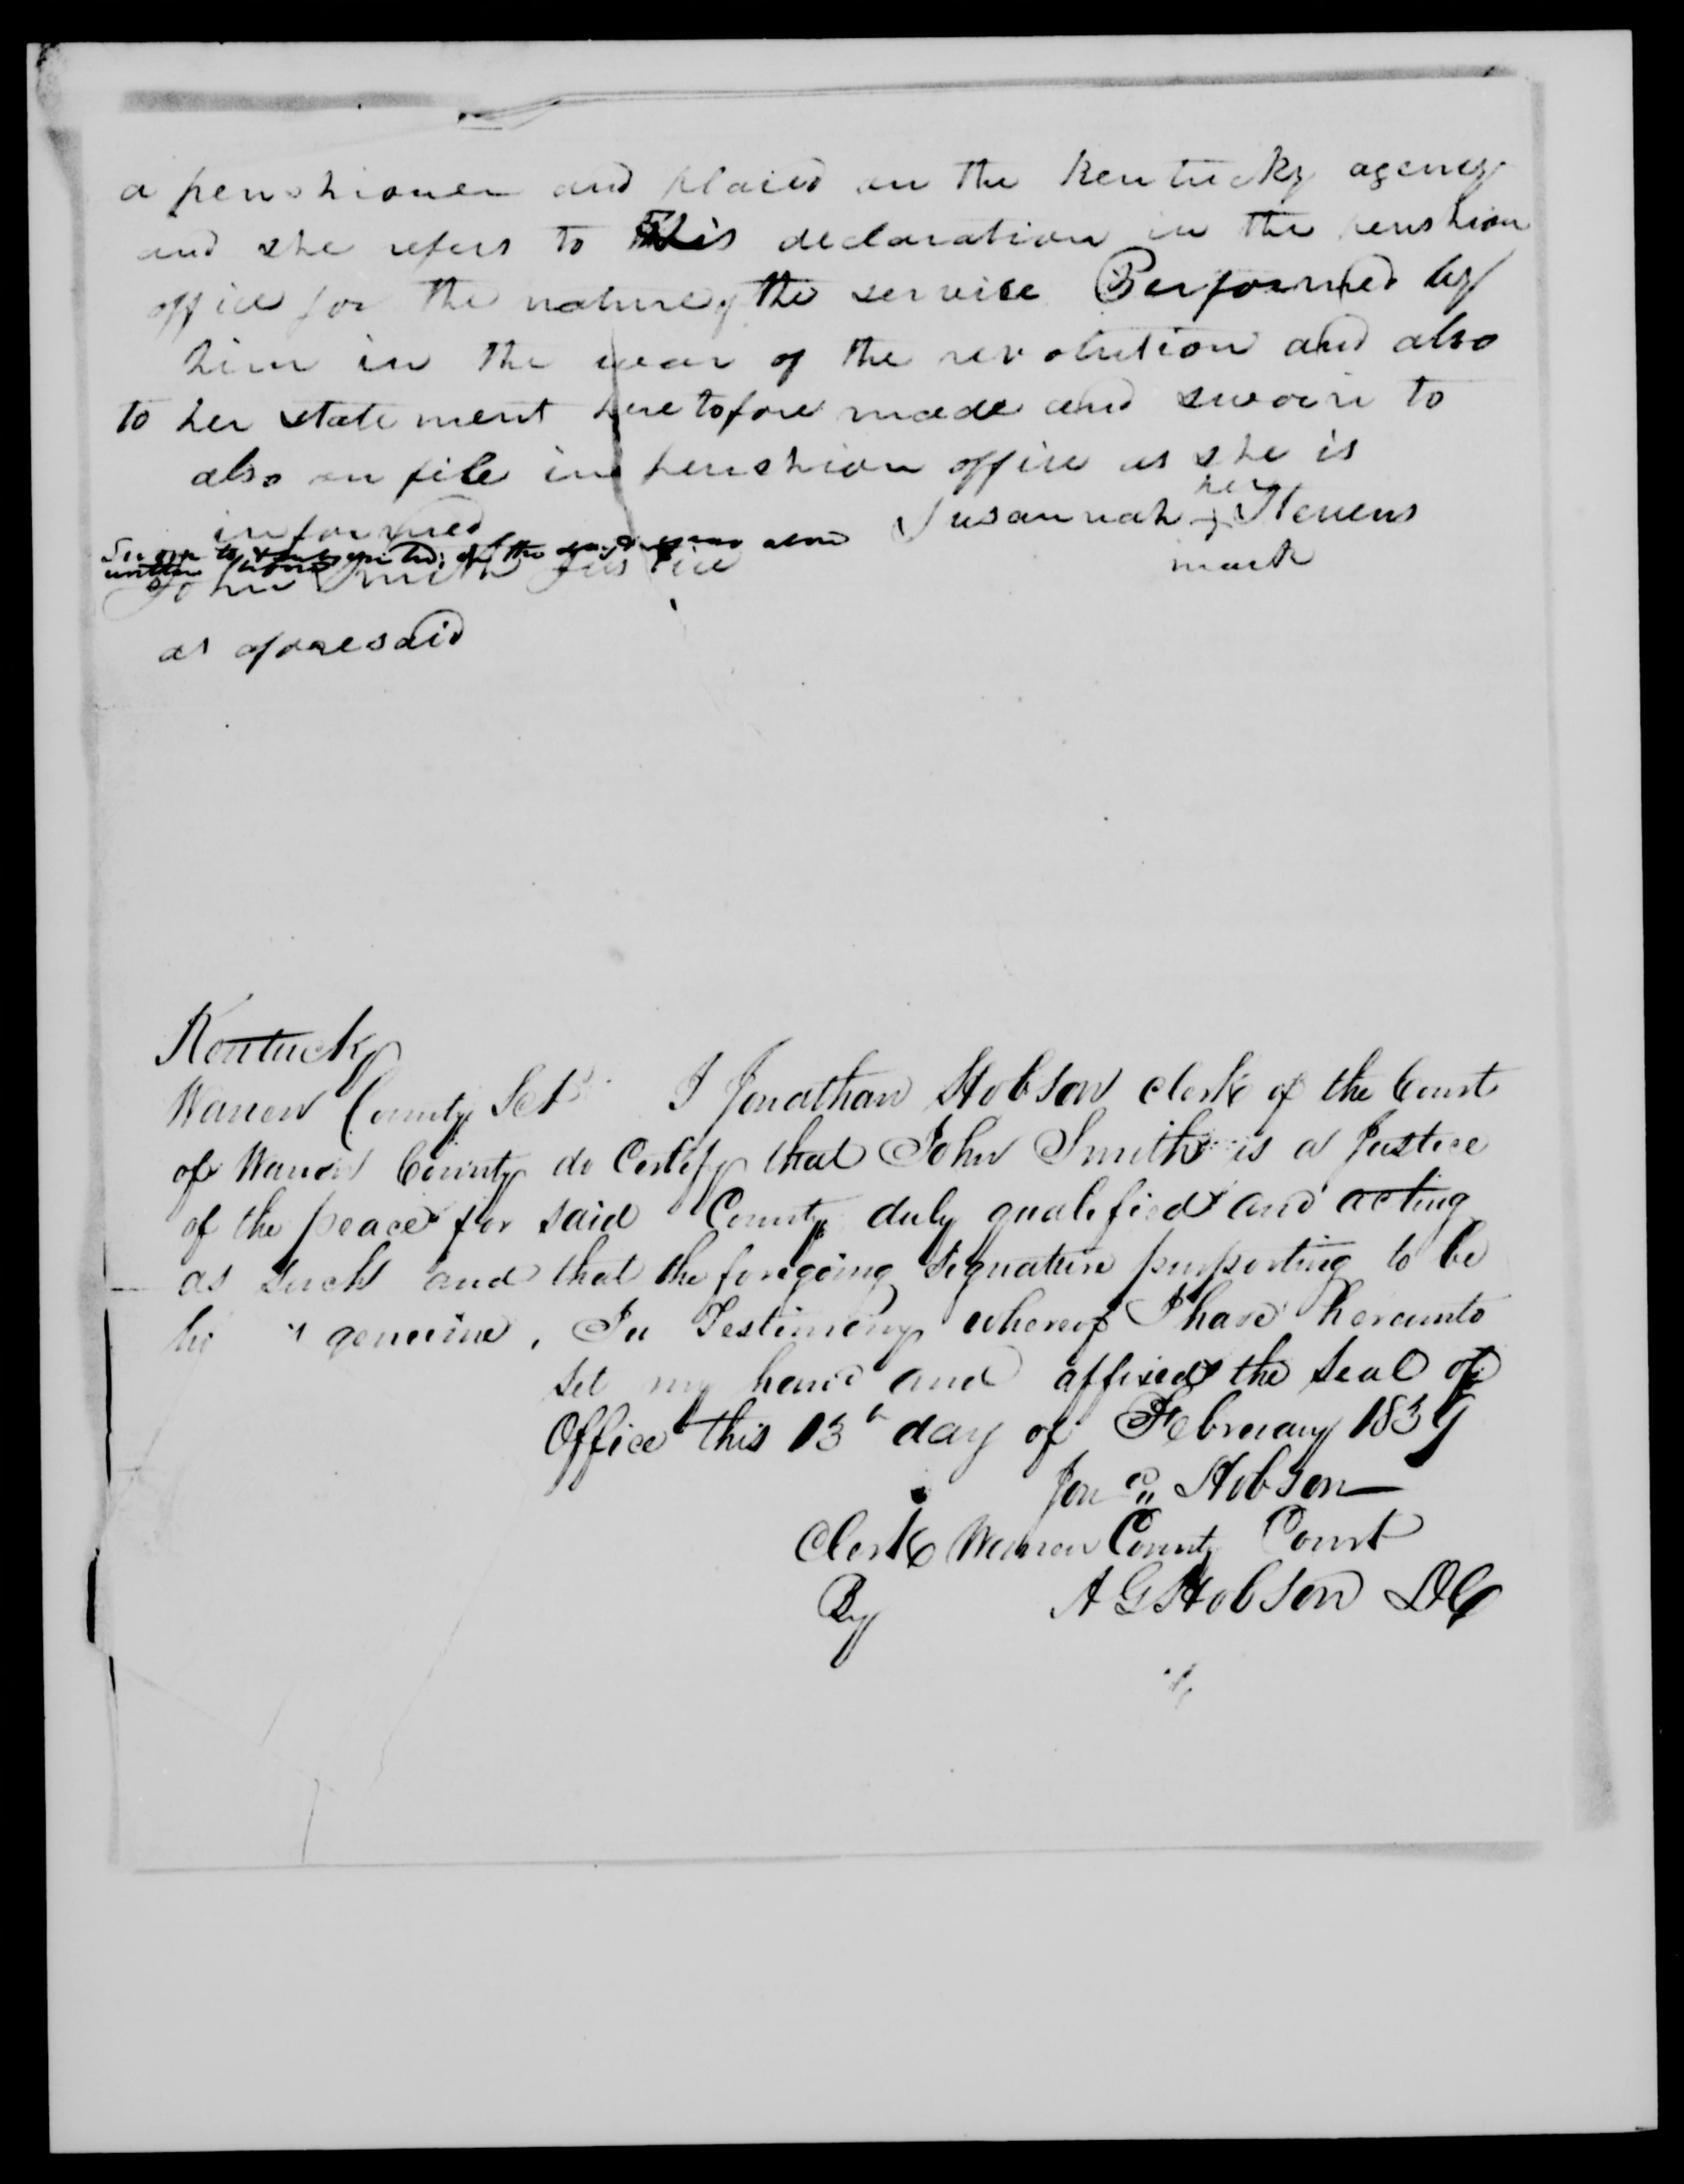a penshioner and placed on the Kentucky agency and she refers to this declaration in the penshion office for the nature of the servise Performed by him in the war of the revolution and also to her statement heretofore made and sworn to also on file in penshion office as she is informed
her
Susannah X Stevens
mark
Sworn to & subscribed on the day & year [illegible] written [illegible]
John Smith Justice
as aforesaid

Kentucky
Warren County Sct I Jonathan Hobson clerk of the Court of Warren County do Certify that John Smith is a Justice of the peace for said County duly qualified and acting as such and that the foregoing Signature purporting to be his is genuine. In Testimony whereof I have hereunto Set my hand and affixed the Seal of Office this 13th day of February 1839
Jona Hobson 
Clerk Warren County Court
By AG Hobson DC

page: 24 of 99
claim: widow's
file: W 8766, for James Stevens, Virginia